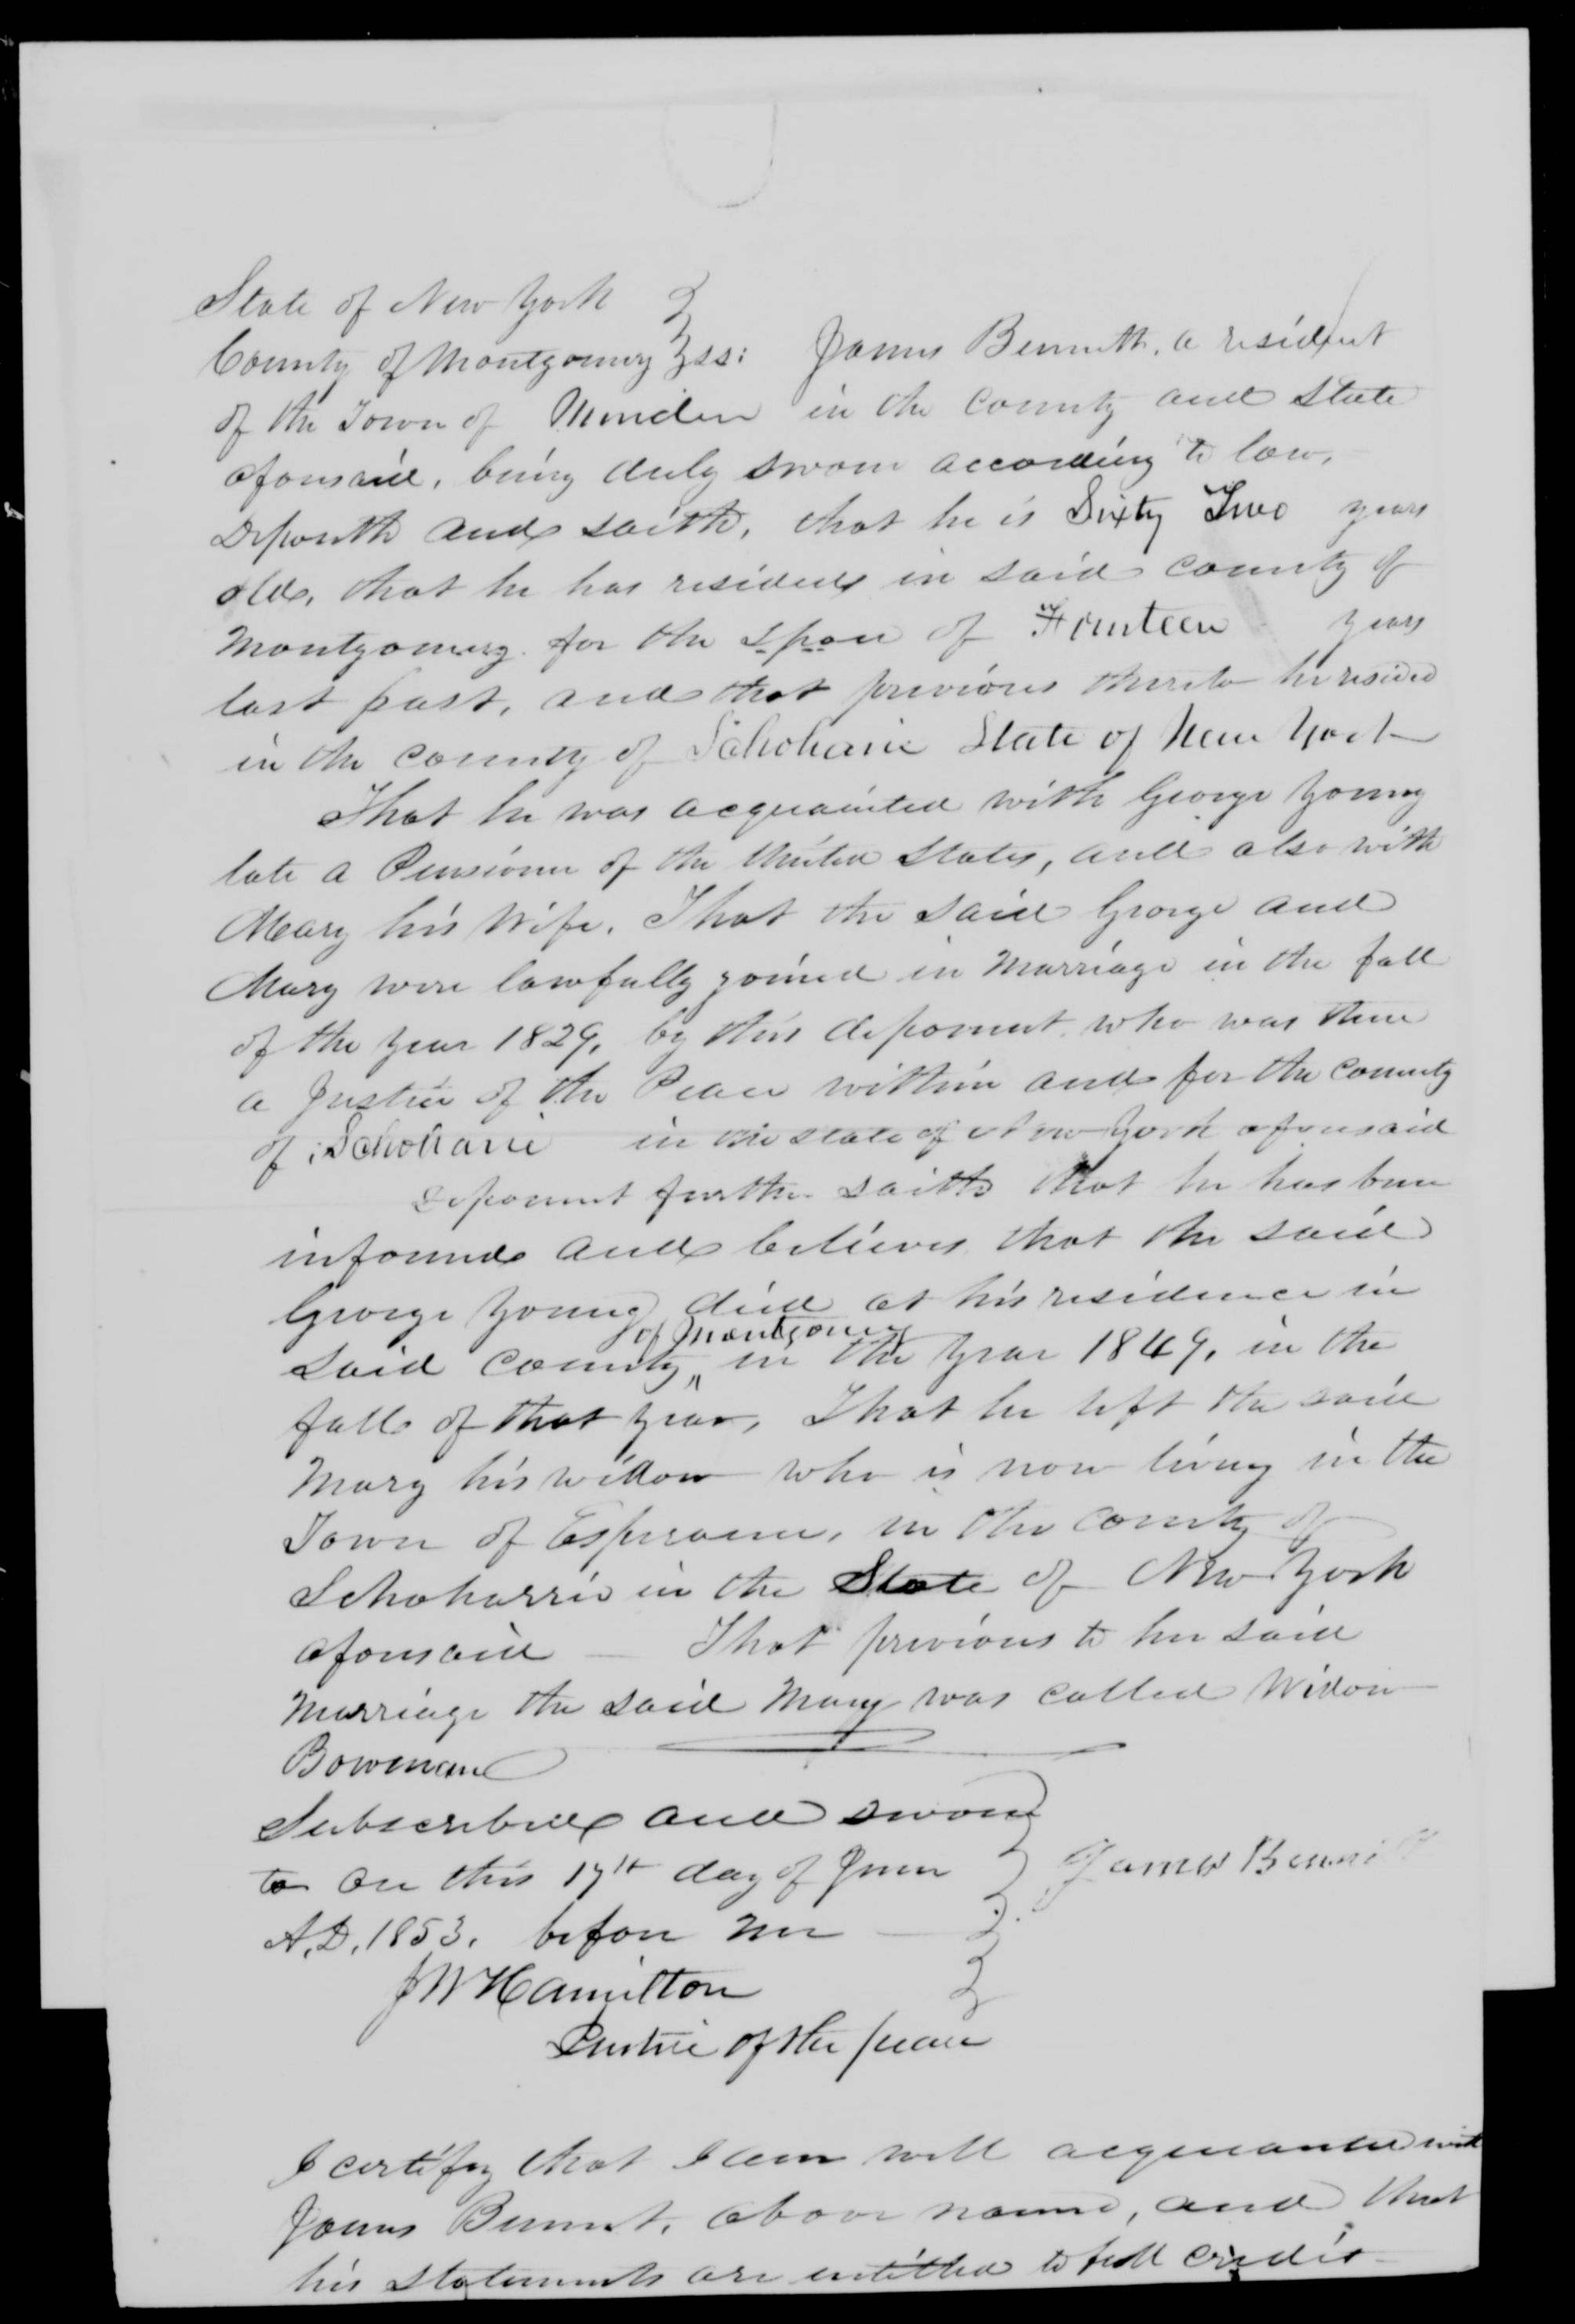State of New York
County of Montgomery ⎬ ss:
James Bennett, a resident
of the Town of Minden in the County and State
aforesaid, being duly sworn according to law
Deponeth and saith, that he is Sixty Two years
I
old, that he has resided in said County of
Montgomery for the space of Fourteen
years
last past, and that previous thereto he resided
in the County of Schohani State of New York
That he was acquainted with George Young
late a Pensioner of the United States, and also with
Mary his wife. That the said George and
Mary were lawfully joined in Marriage in the fall
of the year 1829, by this deponent who was there
a Justice of the Peace within and for the County
of Schohani in the State of New York aforesaid
deponent further saith that he has bure
in found and believes that the said
1
George Young died at his residence in
said County the year 1849, in the
1
fall of that year. That he left the said
Mary his widow who is now being in the
Town of Esperance, in the County of
Schoharrie in the State of New York
aforesaid - That previous to her said
marriage the said Mary was called Widow
Bowman
Subscribed and sworn
to on this 17th day of June
A.D. 1853. before me
J W Hamilton
⎬
Justice of the peace
James Bennett
I certify that I am will acquiant
Johns Burnt, above named, and
his statements are entitled to full credit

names: George Young, J W Hamilton, James Bennett, Mary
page: 17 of 67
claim: widow's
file: W. 7379, George Young, New Jersey